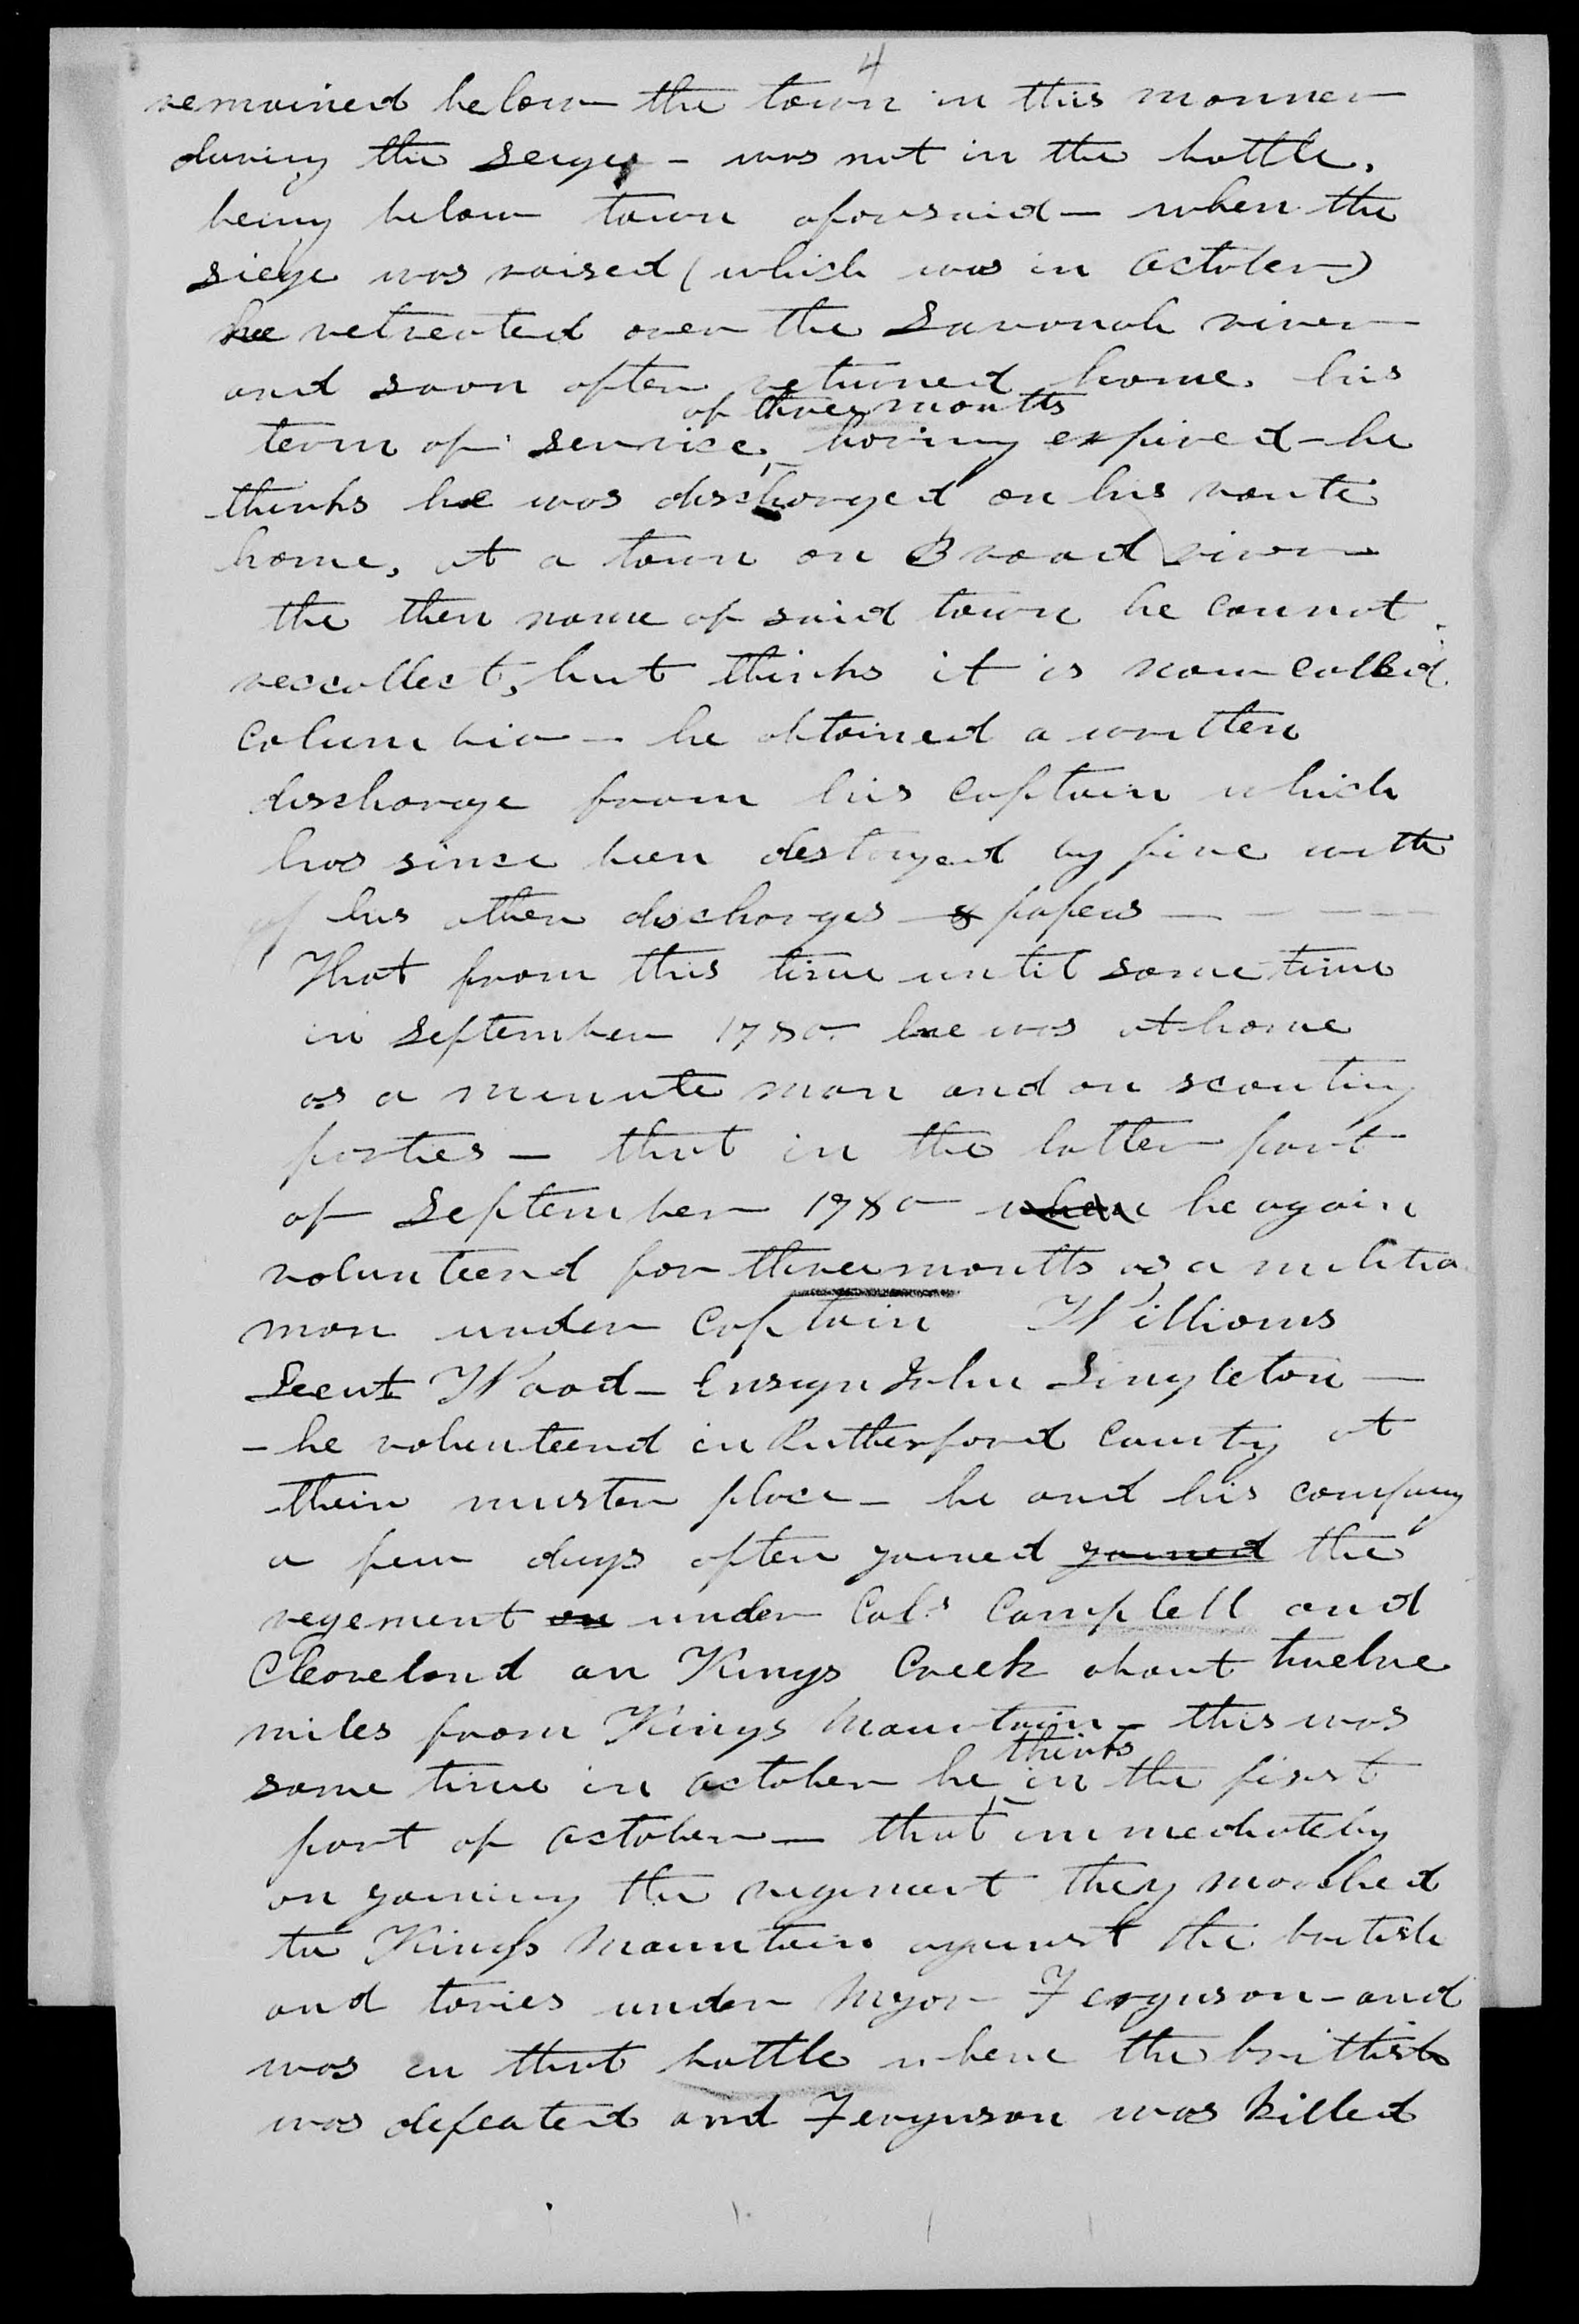remained below the town in this manner during the serge - was not in the battle, being below town aforesaid-- when the siege was raised (which was in October) he retreated over the Savannah river and soon after returned home, his term of service of three months having expired - he thinks he was discharged on his route home, at a town on Broad River the then name of said town he cannot recollect, but thinks it is now called Columbia - he obtained a written discharge from his captain which has since been destroyed by fire with of his other discharges & papers- --- That from this time until some time in September 1780, he was at home as a minute man and on scouting sorties -- that in the latter part of September 1780 where he again volunteered for three months as a militia man under Captain Williams Lient Wood - Ensign John Singleton he volunteered in Rutherford County at their muster place - he and his company a few days after joined the regiment under Col’s Campbell and Cleveland in Kings Creek about twelve miles from Kings Mountain - this was some time in October he thinks in the first part of October-- that immediately on joining the regiment they marched to Kings Mountain [illegible amount] the britishe and tories under Mjor Ferguson and was in that battle where the brittish was defeated and Ferguson was killed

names: [BLANK] Cleaveland; [BLANK] Wood; [BLANK] Ferguson; [BLANK] Williams; [BLANK] Campbell; John Singleton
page: 18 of 69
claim: widow's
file: W. 10861, for James Patterson, North Carolina